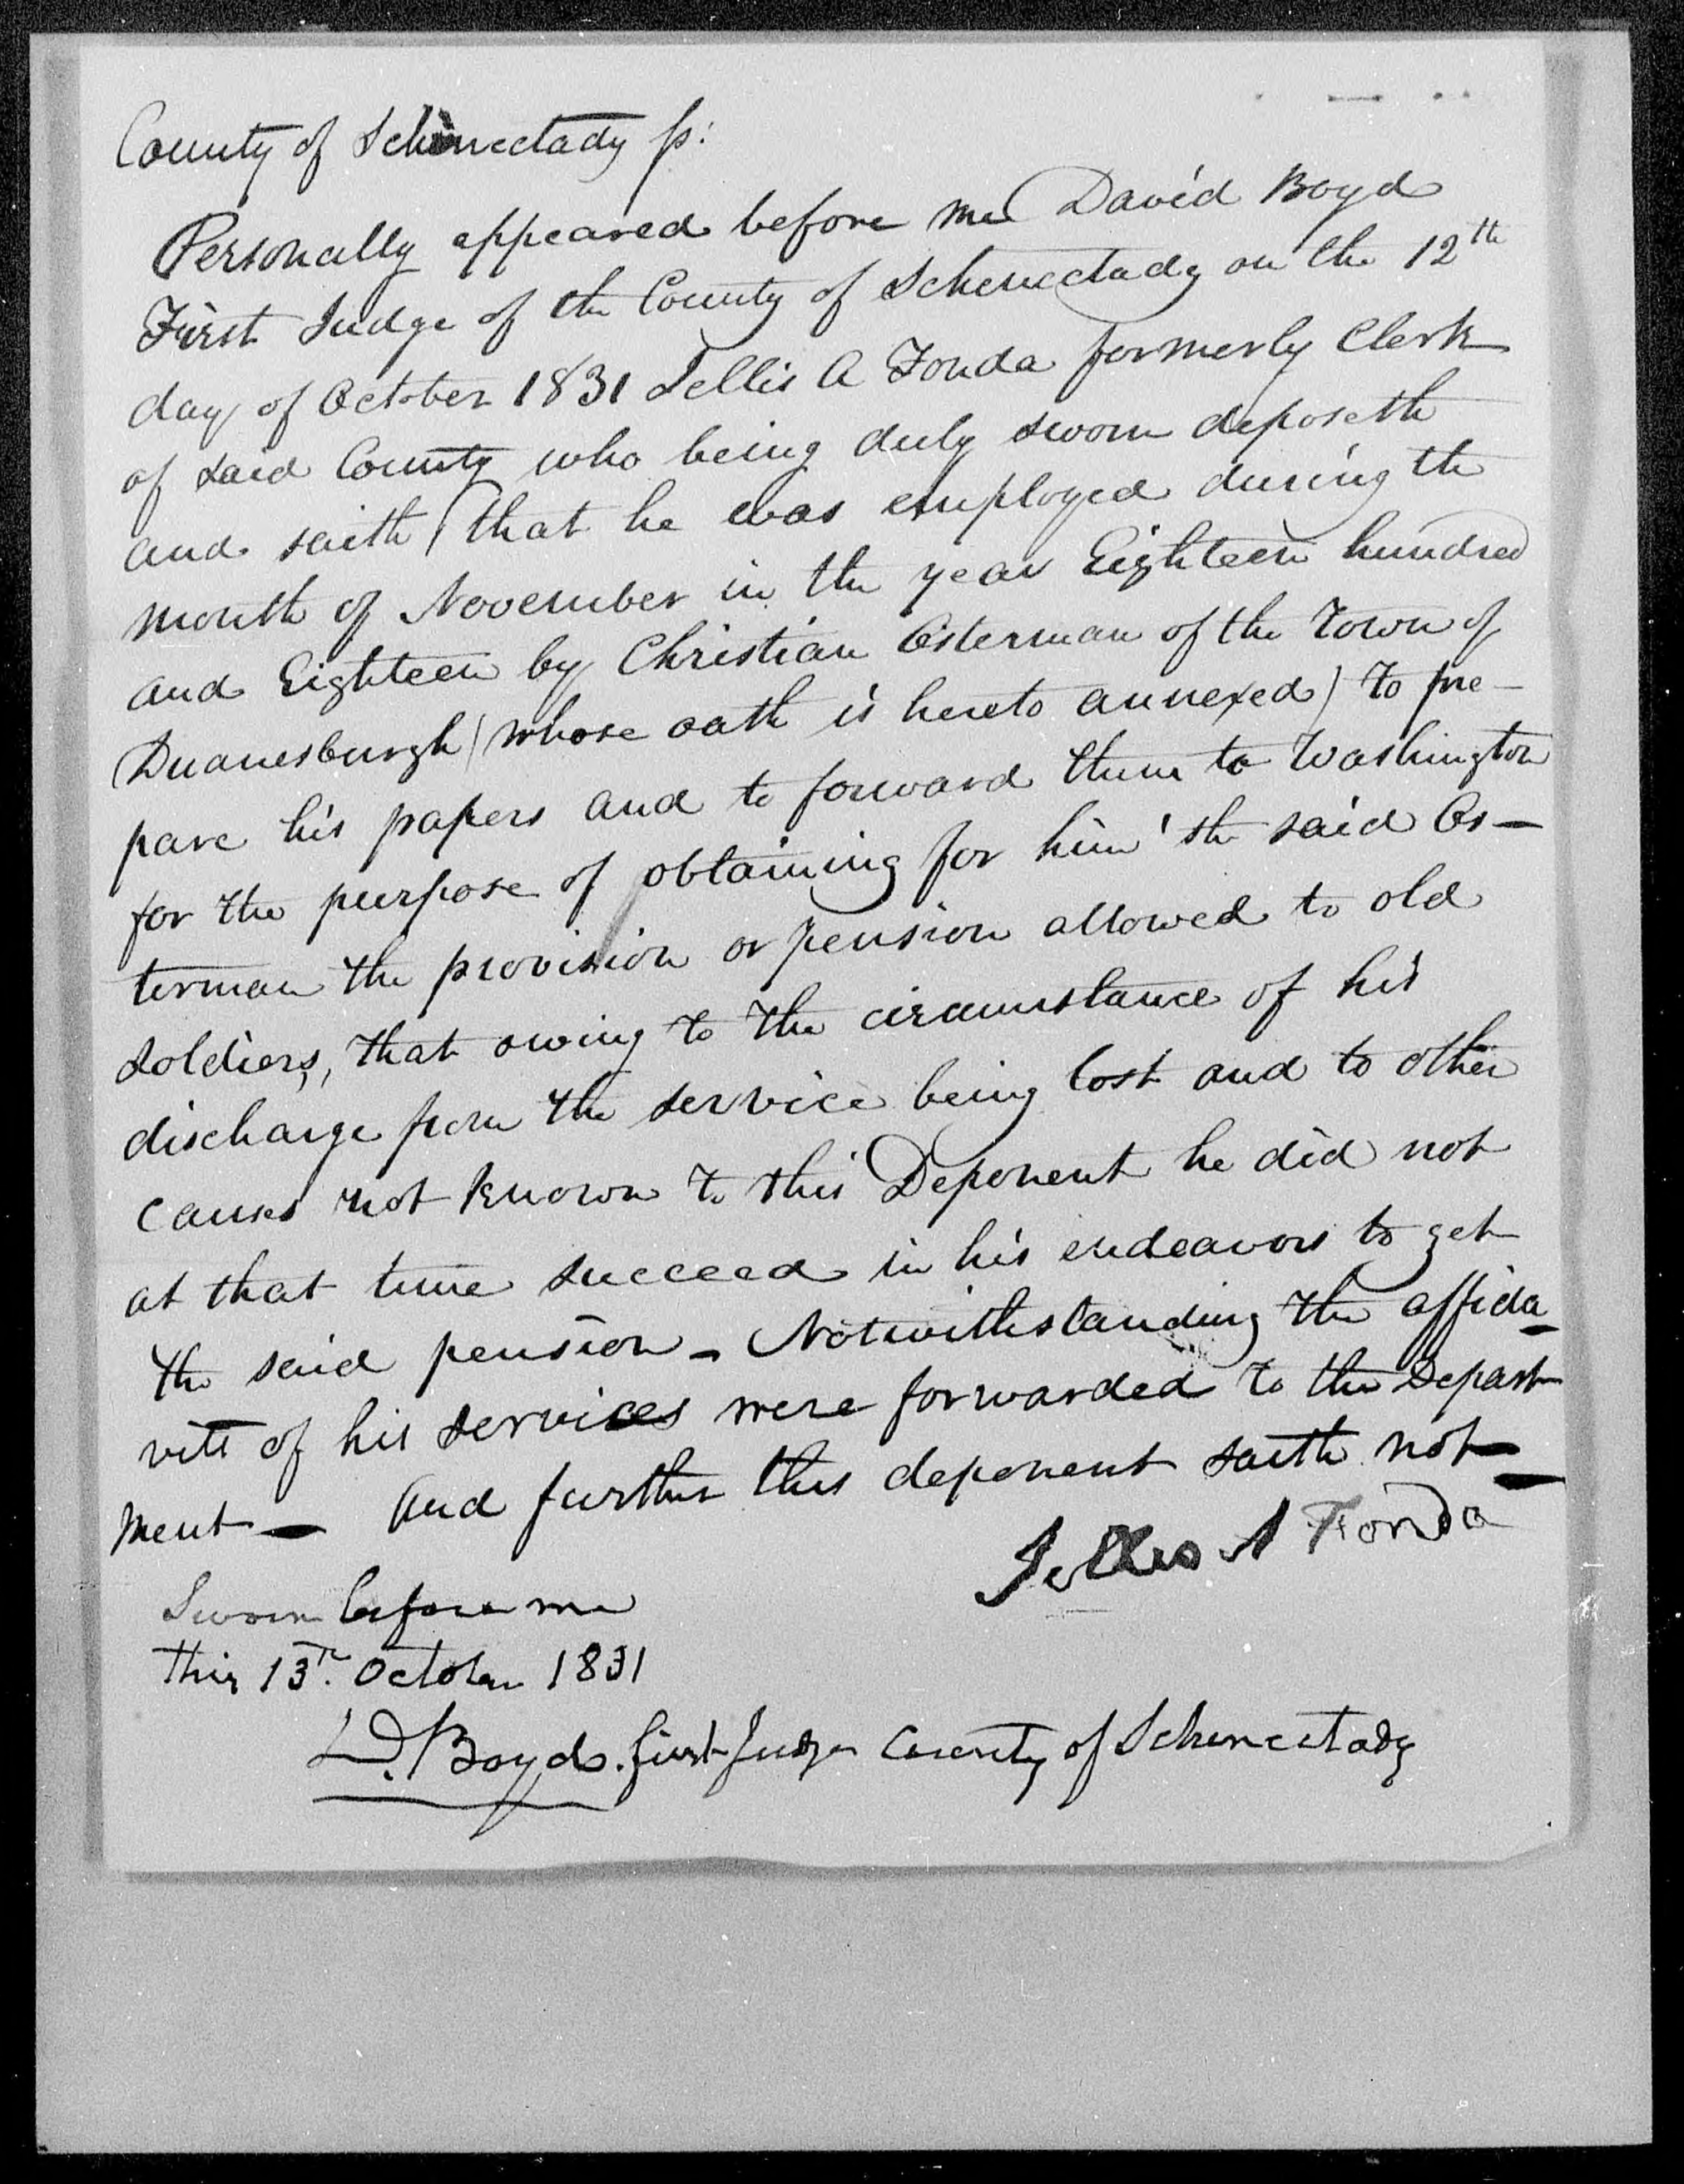County of Schenectady ss:
Personally appeared before me David Boyd First Judge of the County of Schenectady on the 12th day of October 1831 Jellis A. Fonda formerly Clerk of said County who being duly sworn deposeth and saith that he was employed during the month of November in the year eighteen hundred and eighteen by Christian Osterman of the Town of Duanesburgh whose oath is hereto annexed to prepare his papers and to forward them to Washington for the purpose of obtaining for him the said Osterman the provision or pension allowed to old soldiers, that owing to the circumstance of his discharge from the service being lost and to other causes not known to this Deponent he did not at that time succeed in his endeavors to get the said pension. Notwithstanding the affidavit of his services were forwarded to the Department. And further this deponent saith not. 
Jellis A Fonda
Sworn before me
this 13th October 1831
D. Boyd First Judge County of Schenectady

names: David Boyd; Jellis A Fonda; Christian Osterman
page: 21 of 40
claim: widow's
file: W. 21876, for Christian Osterman, New York